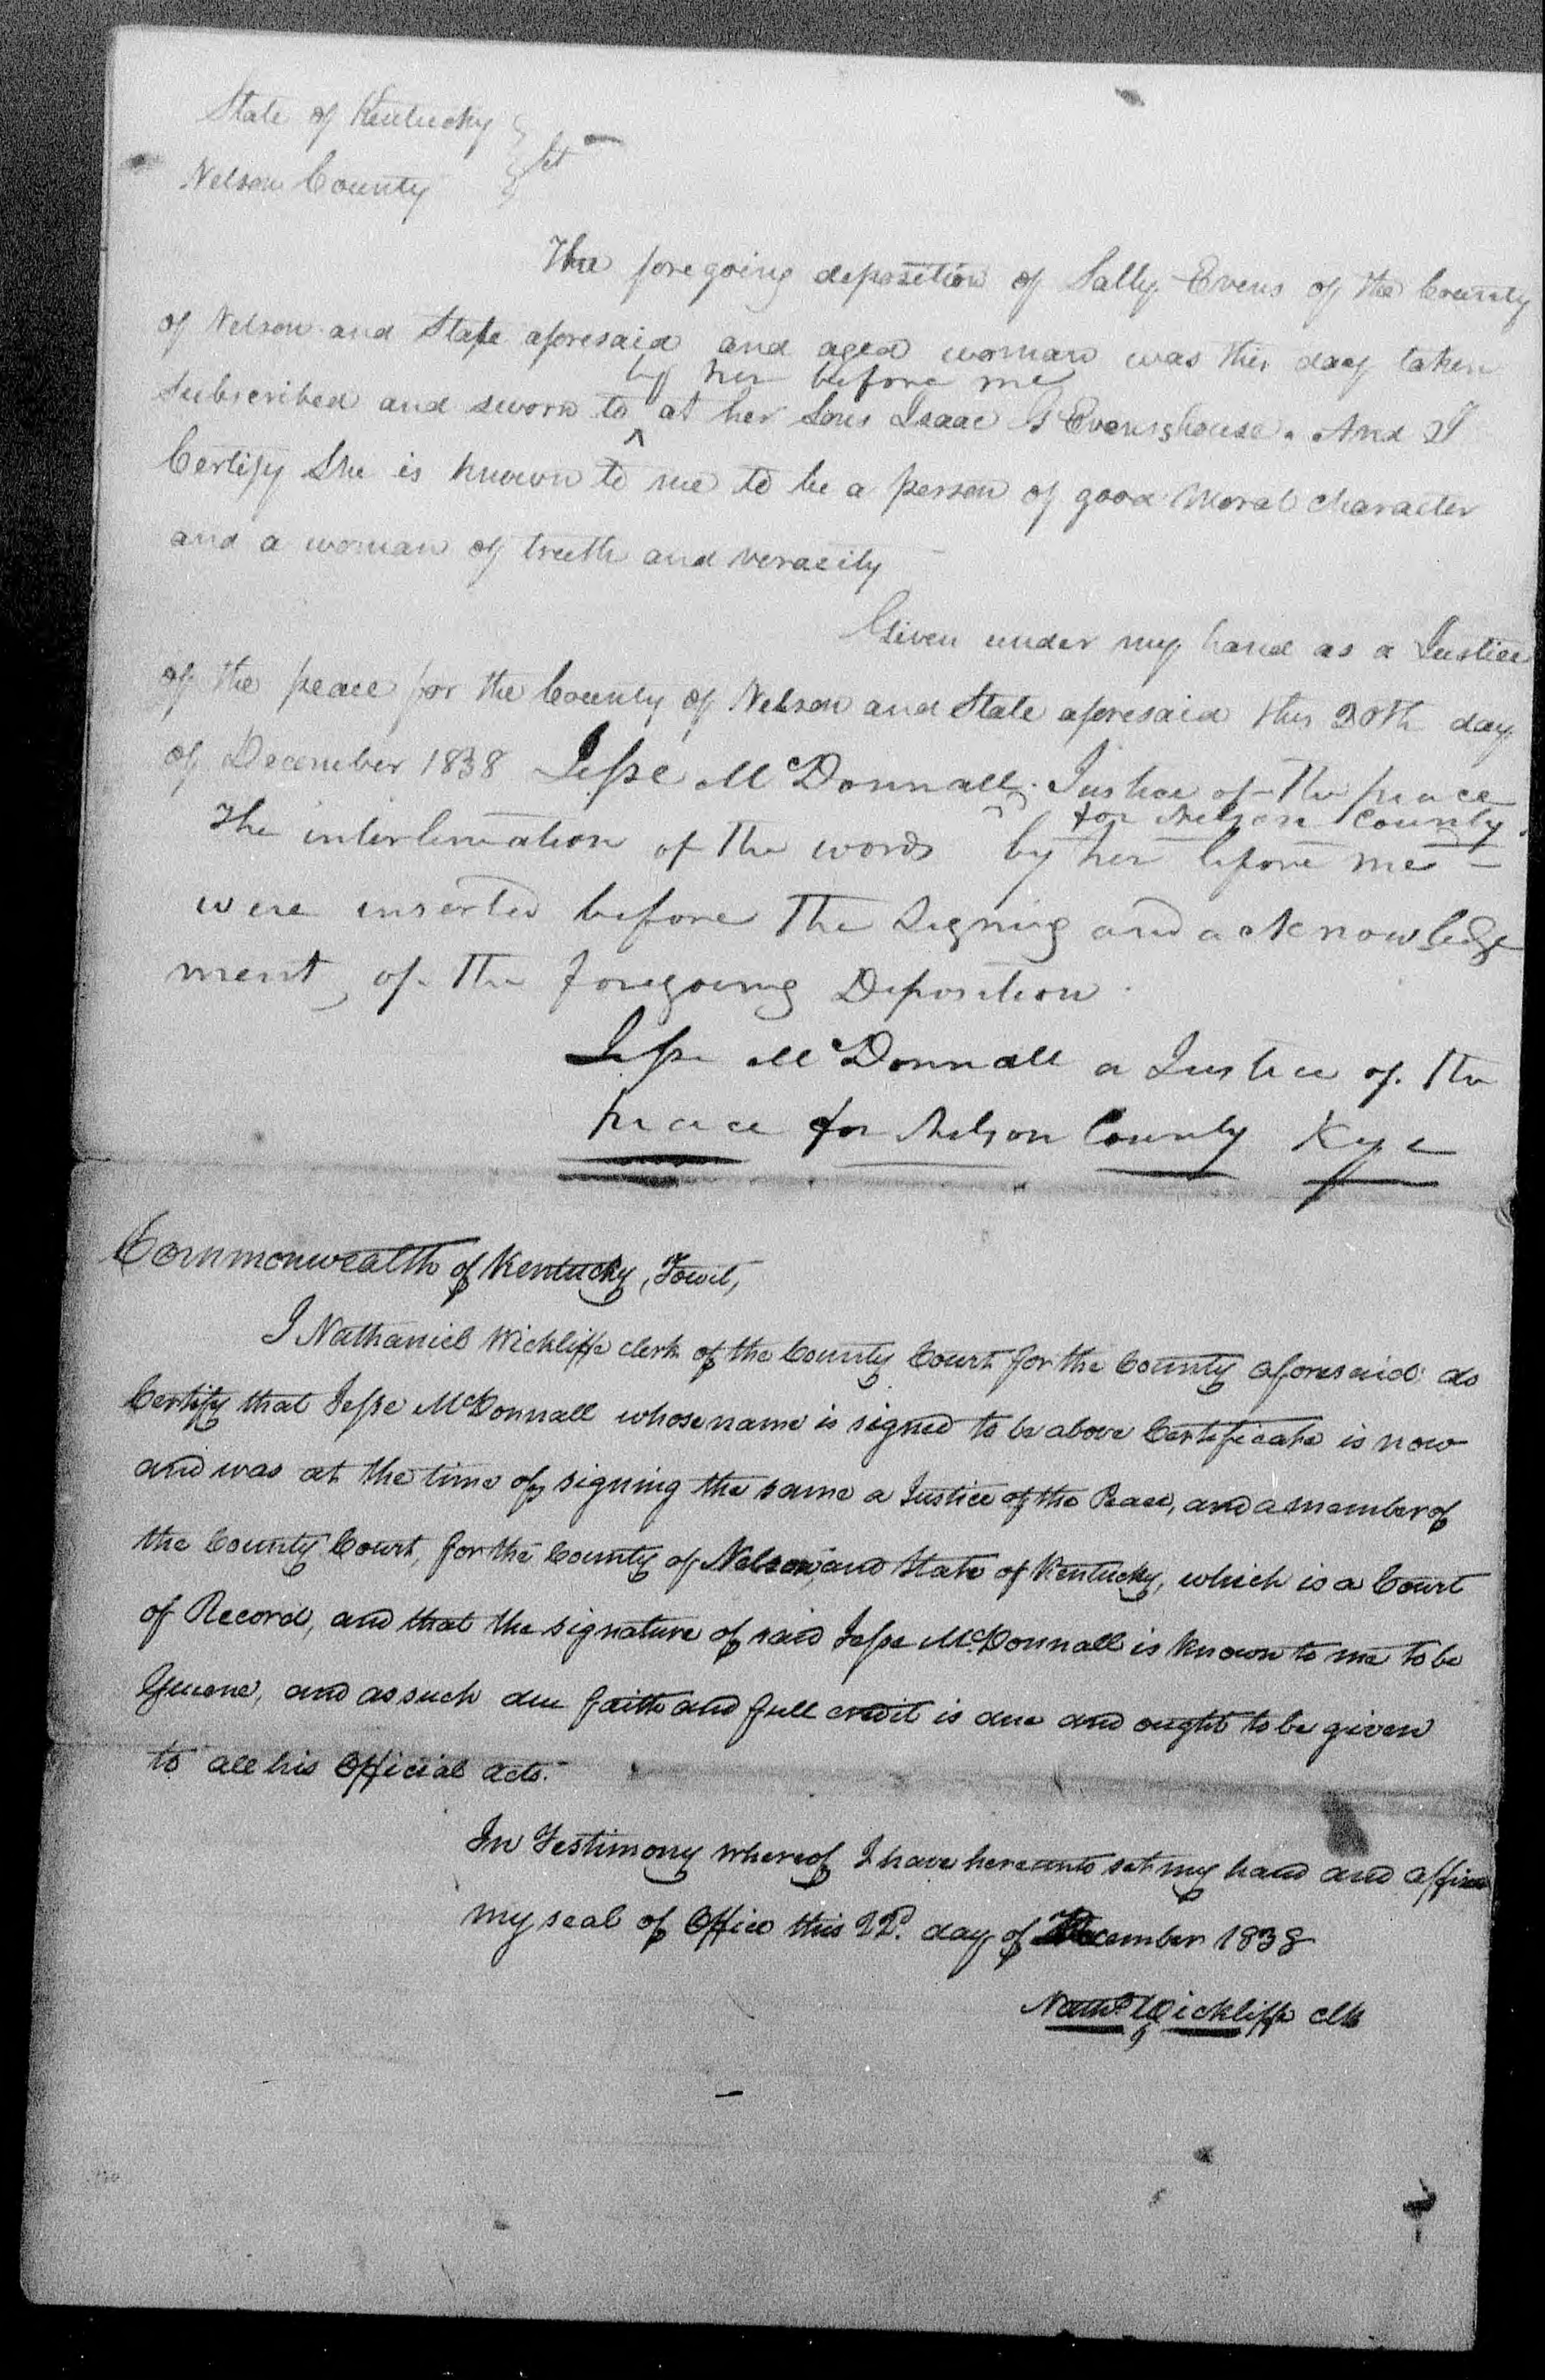State of Kentucky
Marion County:   Sct.

       The foregoing deposition of Sally Evens of the County of Nelson and State aforesaid and aged woman was this day taken Subscribed and sworn to by her before me at her Son’s Isaac G Evens house.  And I Certify She is known to me to be a person of good moral character and a woman of truth and veracity.
			Given under my hand as a Justice of the peace for the County of Nelson and State aforesaid this 20th day of December, 1838.  Jesse McDonnall, Justice of the peace for Nelson County.
The interlocation of the words by her before me were inserted before the signing and acknowledgement of the foregoing Deposition.

		Jess McDonall, a Justice of the peace for Nelson County, Ky.


Commonwealth of Kentucky, Towit

      I Nathaniel Wickliffe, clerk of the County Court for the County aforesaid do certify that Jesse McDonnall whose name is signed to the above Certificate is now and was at the time of signing the same, a Justice of the Peace, and a member of the County Court, for the County of Nelson, and State of Kentucky which is a Court of Record, and that the signature of said Jesse McDonnall is known to me to be genuine, and as such, due faith and full credit is due and ought to be given to all his official acts.

In testimony whereof, I have hereunto set my hand and affixed my seal of
    Office this 22nd day of December 1838
	Nathaniel Wickliffe, clerk.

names: Sally Evens, Nathaniel Wickliffe, Jesse Mcdonnall, Isaac G Evens, Jesse Mcdonnall, Jesse Mcdonnall, Jesse Mcdonnall, Nathl Wickliffe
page: 10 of 12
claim: widow's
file: W. 8598, Robert Chandler, Va.